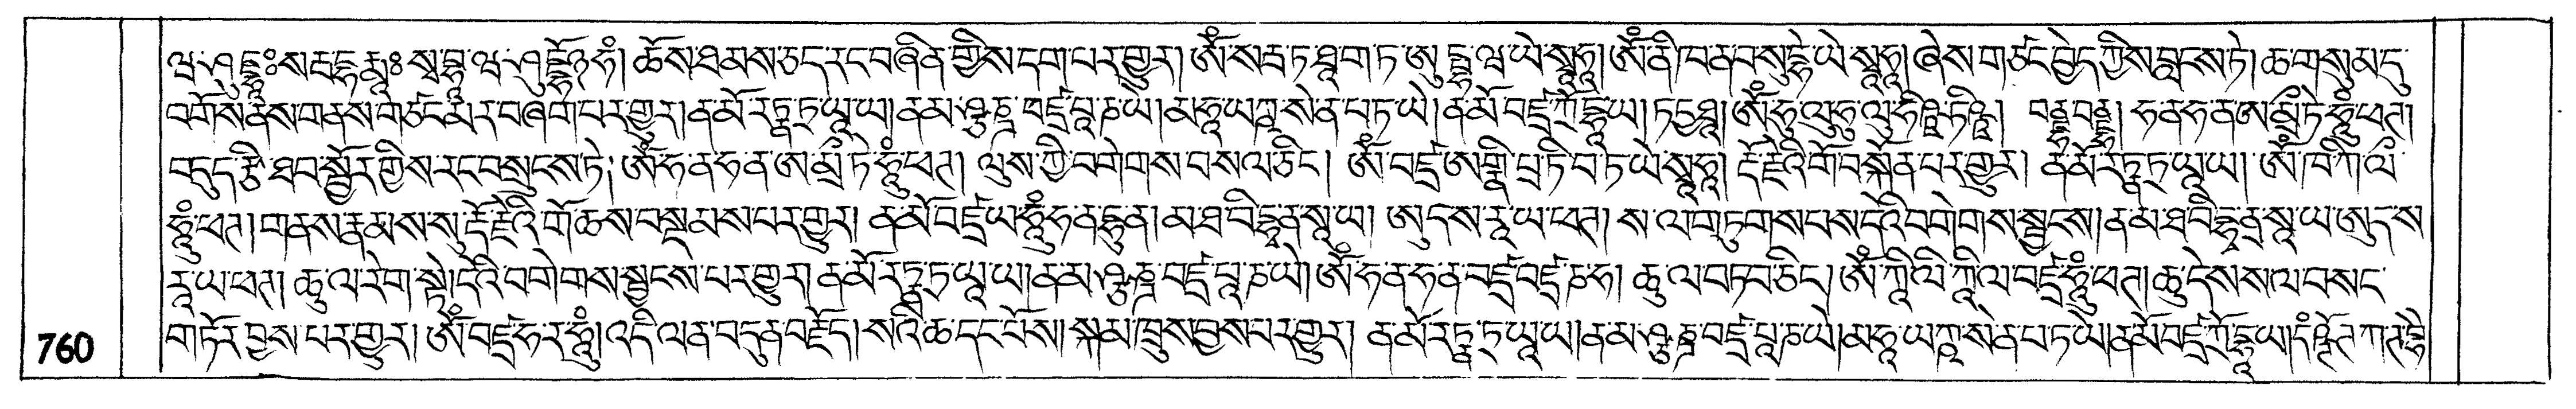ཝ་ཤུདྡྷཱཿ སརྦ་དྷརྨཱཿ སྭ་བྷཱ་ཝ་ཤུདྡྷོ་ཉཧཾ། ཆོས་ཐམས་ཅད་རང་བཞིན་གྱིས་དག་པར་གྱུར། ཨོཾ་སརྦ་ཏ་ཐཱ་ག་ཏ་ཨུདྥ་ཝ་ཡེ་སྭཱཧཱ། ཨོཾ་ནི་ཁ་ན་བ་སུ་དྷེ་ཡེ་སྭཱཧཱ། ཞེས་གཙང་བྱེད་ཀྱིས་བླངས་ཏེ། ཆ་གསུམ་དུ་
བགོས་ནས་གནས་གཙང་མར་བཞག་པར་གྱུར། ན་མོ་རཏྣ་ཏྲ་ཡཱ་ཡ། ནམ་ཤྩཎྜ་བཛྲ་པཱ་ཎ་ཡེ། མཧཱ་ཡཀྵ་སེ་ན་པ་ཏ་ཡེ། ན་མོ་བཛྲ་ཀྲོ་དྷཱ་ཡ། ཏདྱ་ཐཱ། ཨོཾ་ཧུ་ལུ་ཧུ་ལུ་ཧི་ཥཊཿཨ་ཏིཥཊཿཨ། བནྡྷ་བནྡྷ། ཧ་ན་ཧ་ན་ཨ་མྲྀ་ཏེ་ཧཱུཾ་ཕཊ།
བདུད་རྩི་ཐབ་སྦྱོར་གྱིས་རང་བསྲུངས་ཏེ། ཨོཾ་ཧ་ན་ཧ་ན་ཨ་མྲྀ་ཏེ་ཧཱུཾ་ཕཊ། ལུས་ཀྱི་བགེགས་བསལ་ཅིང་། ཨོཾ་བཛྲ་ཨགནི་པྲ་ཏི་བ་ཏ་ཡེ་སྭཱཧཱ། རྡོ་རྗེའི་གོ་བསྐོན་པར་གྱུར། ན་མོ་རཏྣ་ཏྲ་ཡཱ་ཡ། ཨོཾ་ཁ་ཀི་ལྀ་
ཧཱུཾ་ཕཊ། གནས་རྣམས་སུ་རྡོ་རྗེའི་གོ་ཆས་བསྡམས་པར་གྱུར། ན་མོ་བཛྲ་ཡ་ཧཱུཾ་ཧ་ན་དྷུ་ན། མ་ཐ་བིདྷྭ་ན་སཱ་ཡ། ཨུད་ས་རཱ་ཡ་ཕཊ། ས་ལ་གཏུགས་པས་དེའི་བགེགས་སྦྱངས། ན་མ་ཐ་བིདྷྭ་ནྲ་སཱ་ཡ་ཨུད་ས་
རཱ་ཡ་ཕཊ། ཆུ་ལ་རེག་སྟེ། དེའི་བགེགས་སྦྱངས་པར་གྱུར། ན་མོ་རཏྣ་ཏྲ་ཡཱ་ཡ། ན་མ་ཤྩཎྜ་བཛྲ་པཱ་ཎ་ཡེ། ཨོཾ་ཧ་ན་ཧ་ན་བཛྲ་བཛྲ་ཎ་ཧ། ཆུ་ལ་བཏབ་ཅིང་། ཨོཾ་ཀཱི་ལི་ཀཱི་ལ་བཛྲ་ཧཱུཾ་ཕཊ། ཆུ་དེས་ས་ལ་བསང་
གཏོར་བྱས་པར་གྱུར། ཨོཾ་བཛྲ་ཧ་ར་ཧཱུཾ། འདི་ལན་བདུན་བརྗོད། སའི་ཆ་དང་པོས། སྐམ་ཁྲུས་བྱས་པར་གྱུར། ན་མོ་རཏྣ་ཏྲ་ཡཱ་ཡ། ན་མ་ཤྩཎྜ་བཛྲ་པཱ་ཎ་ཡེ། མཧཱ་ཡཀྵ་སེ་ན་པ་ཏ་ཡེ། ན་མོ་བཛྲ་ཀྲོ་དྷཱ་ཡ། དཾ་ཥྚོཊ་ཀ་ཊ་བྷཻ་